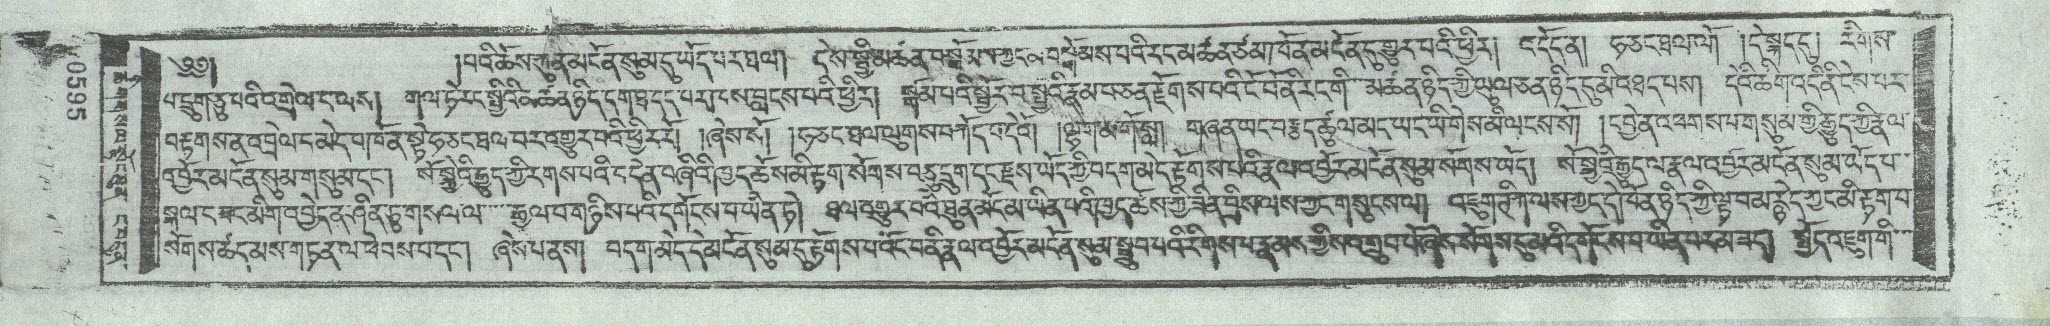༄༅། །པའི་ཆོས་ཀུན་མངོན་སུམ་དུ་ཡོད་པར་ཐལ། དེས་སྤྱི་མཚན་བསྒོམས་ཀྱང་མ་བསྒོམས་པའི་རང་མཚན་ཙམ་ཁོ་ན་མངོན་དུ་གྱུར་པའི་ཕྱིར། འདོད་ན། ཧ་ཅང་ཐལ་ལོ། །དེ་སྐད་དུ། རིགས་
པ་དྲུག་ཅུ་པའི་འགྲེལ་པ་ལས། གལ་ཏེ་རང་སྤྱིའི་མཚན་ཉིད་དག་ཐ་དད་པར་ཁས་བླངས་པའི་ཕྱིར། སྒོམ་པའི་སྦྱོར་བ་སྤྱིའི་རྣམ་པ་ཅན་རྫོགས་པའི་ངོ་བོ་ནི་རང་གི་མཚན་ཉིད་ཀྱི་ཡུལ་ཅན་ཉིད་དུ་མི་འཐད་པས། དེའི་ཚིག་འདི་ནི་ངེས་པར་
བརྟགས་ན་འབྲེལ་བ་མེད་པ་ཁོ་ན་སྟེ་ཧ་ཅང་ཐལ་བར་འགྱུར་བའི་ཕྱིར་རོ། །ཞེས་སོ། །ཧ་ཅང་ཐལ་ལུགས་བཀོད་འདེའོ། །ལྷག་མགོ་སླ། གཞན་ཡང་བརྩད་ཚུལ་མང་ཡང་ཡི་གེས་མི་ལངས་སོ། །དབྱེ་ན་འཕགས་པ་གསུམ་གྱི་རྒྱུད་ཀྱི་རྣལ་
འབྱོར་མངོན་སུམ་གསུམ་དང་། སོ་སྐྱེའི་རྒྱུད་ཀྱི་རགས་པའི་བདེན་བཞིའི་ཁྱད་ཆོས་མི་རྟག་སོགས་བཅུ་དྲུག་དང་རྫས་ཡོད་ཀྱི་བདག་མེད་རྟོགས་པའི་རྣལ་འབྱོར་མངོན་སུམ་སོགས་ཡོད། སོ་སྐྱེའི་རྒྱུད་ལ་རྣལ་འབྱོར་མངོན་སུམ་ཡོད་པ་
སྐལ་བཟང་མིག་འབྱེད་ན་ཤིན་ཏུ་གསལ་ལ་རྒྱལ་བ་གཉིས་པའི་དགོངས་པ་ཡིན་ཏེ། ཐལ་འགྱུར་བའི་ཐུན་མོང་མ་ཡིན་པའི་ཁྱད་ཆོས་ཀྱི་ཟིན་བྲིས་ལས་ཀྱང་གསུངས་ལ། འཇུག་ཊིཀ་ལས་ཀྱང་དེ་ཁོ་ན་ཉིད་ཀྱི་ལྟ་བ་མ་རྙེད་ཀྱང་མི་རྟག་པ་
སོགས་ཚད་མས་གཏན་ལ་ཕེབས་པ་དང་། ཞེས་པ་ནས། བདག་མེད་དེ་མངོན་སུམ་དུ་རྟོགས་པ་འོང་བ་ནི་རྣལ་འབྱོར་མངོན་སུམ་སྒྲུབ་པའི་རིགས་པ་རྣམས་ཀྱིས་འགྲུབ་པོ་ཞེས་སོགས་དུ་མའི་དགོངས་པ་ཡིན་པར་མ་ཟད། སྤྱོད་འཇུག་གི་